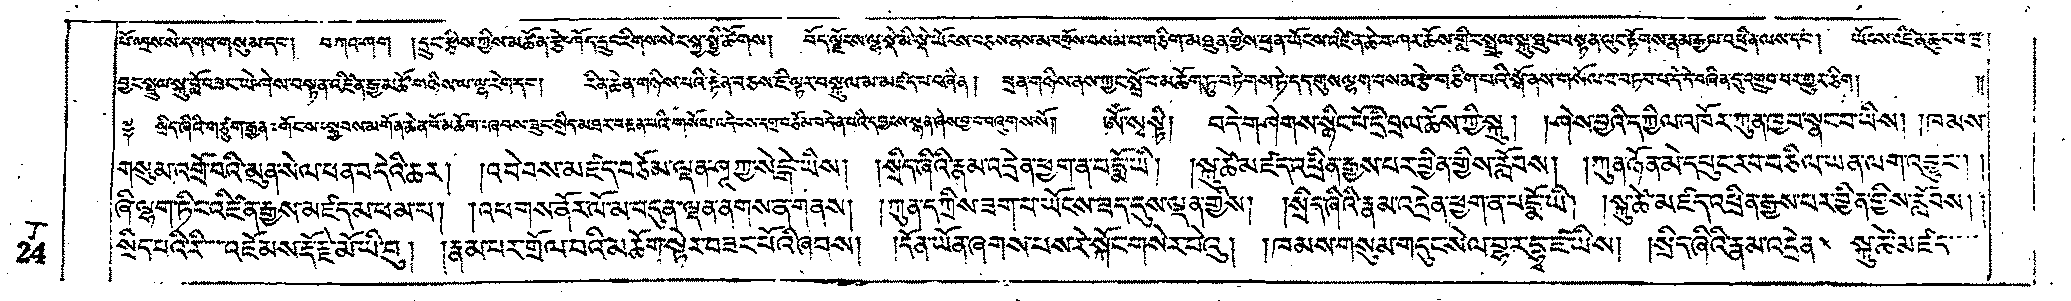པོ་འབྲས་སེ་དགའ་གསུམ་དང་། བཀའ་ཤག །དྲུང་རྩིས་ཀྱིས་མཚོན་རྩེ་ཤོད་དྲུང་རིགས་སེར་སྐྱ་སྤྱི་ཚོགས། བོད་ལྗོངས་ལྷ་སྡེ་མི་སྡེ་ཡོངས་བཅས་ནས་མ་བགྲོས་བསམ་པ་གཅིག་མཐུན་གྱིས་ཕྲན་ཡོངས་འཛིན་ཆེ་བ་ཤར་ཆོས་གླིང་སྤྲུལ་སྐུ་ཐུབ་བསྟན་ལུང་རྟོགས་རྣམ་རྒྱལ་འཕྲིན་ལས་དང་། ཡོངས་འཛིན་ཆུང་བ་ཁྲི་
བྱང་སྤྲུལ་སྐུ་བློ་བཟང་ཡེ་ཤེས་བསྟན་འཛིན་རྒྱ་མཚོ་གཉིས་ལ་ལྷ་རེག་དང་། རིན་ཆེན་གཉིས་པའི་རྟེན་བཅས་ཇི་ལྟར་བསྐུལ་མ་མཛད་པ་བཞིན། ཕྲན་གཉིས་ནས་ཀྱང་སྤྲོ་བ་མཆོག་ཏུ་བཏེགས་ཏེ་དད་གུས་ལྷག་བསམ་རྩེ་གཅིག་པའི་སྒོ་ནས་གསོལ་བ་བཏབ་པ་དེ་དེ་བཞིན་དུ་འགྲུབ་པར་གྱུར་ཅིག། །།
༈ སྲིད་ཞིའི་གཙུག་རྒྱན ༧་གོང་ས ༧་སྐྱབས་མགོན་ཆེན་པོ་མཆོག ༧་ཞབས་ཟུང་སྲིད་མཐར་བརྟན་པའི་གསོལ་འདེབས་དགྲ་བཅོམ་བདེན་པའི་དབྱངས་སྙན་ཞེས་བྱ་བ་བཞུགས་སོ།། ཨོཾ་སྭ་སྟི། བདེ་གཤེགས་སྙིང་པོ་དྲི་བྲལ་ཆོས་ཀྱི་སྐུ། །ཤེས་བྱའི་དཀྱིལ་འཁོར་ཀུན་ཁྱབ་སྣང་བ་ཡིས། །ཁམས་
གསུམ་འགྲོ་བའི་མུན་སེལ་ཕན་བདེའི་ཆར། །འབེབས་མཛད་བཅོམ་ལྡན་ཤཱཀྱ་སེངྒེ་ཡིས། །སྲིད་ཞིའི་རྣམ་འདྲེན་ཕྱག་ན་པདམོ་ཡི། །སྐུ་ཚེ་མཛད་འཕྲིན་རྒྱས་པར་བྱིན་གྱིས་རློབས། །ཀུན་ཉོན་མེད་དཔུང་རབ་བཅིལ་ཡན་ལག་འབྱུང་། །
ཞི་ལྷག་ཏིང་འཛིན་རྒྱས་མཛད་མ་ཕམ་པ། །འཕགས་ནོར་ལོ་མ་བདུན་ལྡན་ནགས་ན་གནས། །ཀུན་དཀྲིས་ཟག་པ་ཡོངས་ཟད་དུས་ལྡན་གྱིས། །སྲིད་ཞིའི་རྣམ་འདྲེན་ཕྱག་ན་པདམོ་ཡི། །སྐུ་ཚེ་མཛད་འཕྲིན་རྒྱས་པར་བྱིན་གྱིས་རློབས། །
སྲིད་པའི་རི་་་འཇོམས་རྡོ་རྗེ་མོ་ཡི་བུ། །རྣམ་པར་གྲོལ་བའི་མཆོག་སྟེར་བཟང་པོའི་ཞབས། །དོན་ཡོན་ཞགས་པས་རེ་སྐོང་གསེར་བེའུ། །ཁམས་གསུམ་གདུང་སེལ་བྷ་ར་དྷྭ་ཛ་ཡིས། །སྲིད་ཞིའི་རྣམ་འདྲེན་྾་སྐུ་ཚེ་མཛད་་་